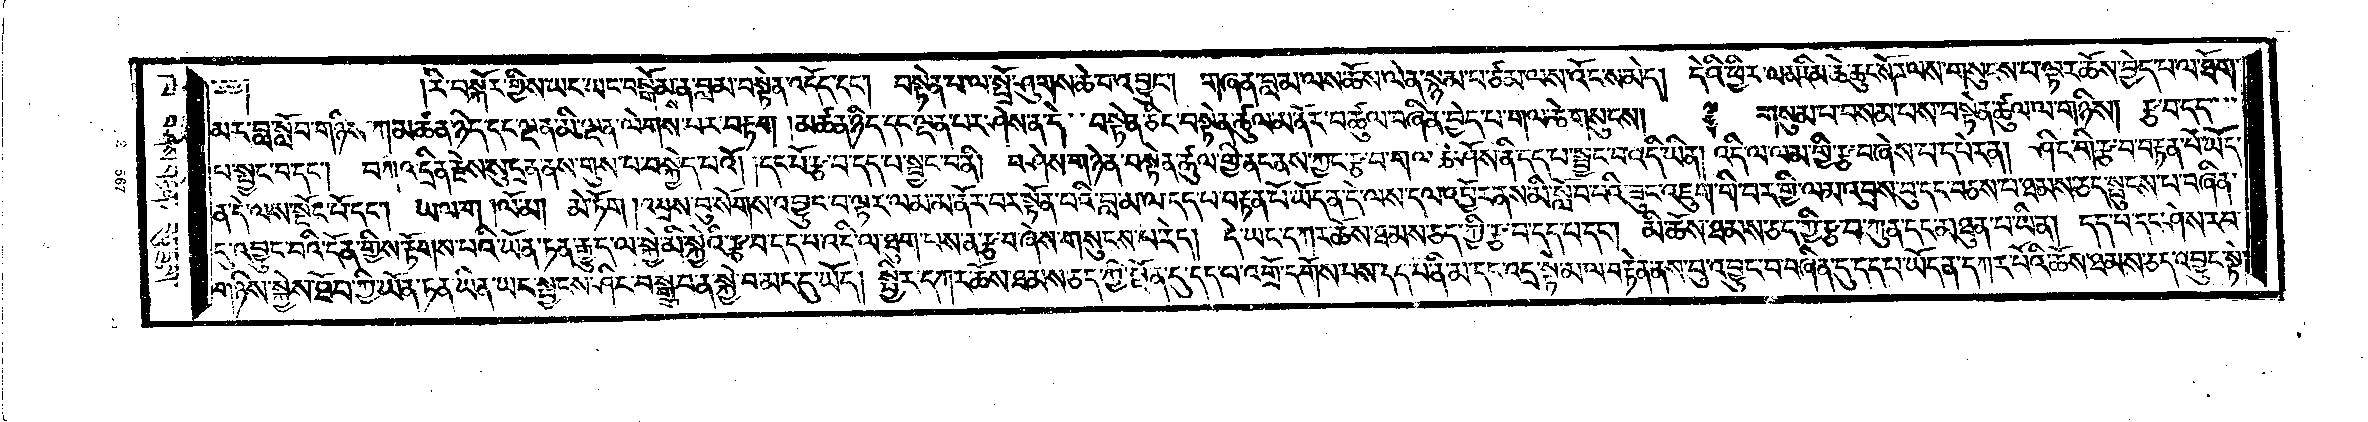༄༅། །རི་བསྐོར་གྱིས་ཡང་ཡང་བསྒོམས་ན་བླ་མ་བསྟེན་འདོད་དང་། བསྟེན་པ་ལ་སྤྲོ་ཤུགས་ཆེ་བ་འབྱུང་། གཞན་བླ་མ་ལས་ཆོས་ལེན་སྙམ་པ་ཙམ་ལས་འོང་ས་མེད། དེའི་ཕྱིར་ལམ་རིམ་ཆེ་ཆུང་སོཌ་ལས་གསུངས་པ་ལྟར་ཆོས་བྱེད་པ་ལ་ཐོག་
མར་བླ་སློབ་གཉིས་ཀ་མཚན་ཉིད་དང་ལྡན་མི་ལྡན་ལེགས་པར་བརྟག །མཚན་ཉིད་དང་ལྡན་པར་ཤེས་ན་དེ་བསྟེན་ཅིང་བསྟེན་ཚུལ་མ་ནོར་བ་ཚུལ་བཞིན་བྱེད་པ་གལ་ཆེ་གསུངས། ༈ གསུམ་པ་བསམ་པས་བསྟེན་ཚུལ་ལ་གཉིས། རྩ་བ་དད་
པ་སྦྱང་བ་དང་། བཀའ་དྲིན་རྗེས་སུ་དྲན་ནས་གུས་པ་བསྐྱེད་པའོ། །དང་པོ་རྩ་བ་དད་པ་སྦྱང་བ་ནི། བཤེས་གཉེན་བསྟེན་ཚུལ་གྱི་ནང་ནས་ཀྱང་རྩ་བ་གལ་ཆེ་ཤོས་ནི་དད་པ་སྦྱང་བ་འདི་ཡིན། འདི་ལ་ལམ་གྱི་རྩ་བ་ཞེས་པ་དཔེར་ན། ཤིང་གི་རྩ་བ་བརྟན་པོ་ཡོད་
ན་དེ་ལས་སྡོང་པོ་དང་། ཡལ་ག། ལོ་མ། མེ་ཏོག །འབྲས་བུ་སོགས་འབྱུང་བ་ལྟར་ལམ་མ་ནོར་བར་སྟོན་པའི་བླ་མ་ལ་དད་པ་བརྟན་པོ་ཡོད་ན་དེ་ལས་དལ་འབྱོར་ནས་མི་སློབ་པའི་ཟུང་འཇུག་གི་བར་གྱི་ལམ་འབྲས་བུ་དང་བཅས་པ་ཐམས་ཅད་སྤུངས་པ་བཞིན་
དུ་འབྱུང་བའི་དོན་གྱིས་རྟོགས་པའི་ཡོན་ཏན་རྒྱུད་ལ་སྐྱེ་མི་སྐྱེའི་རྩ་བ་དད་པ་འདི་ལ་ཐུག་པས་ན་རྩ་བ་ཞེས་གསུངས་པ་རེད། དེ་ཡང་དཀར་ཆོས་ཐམས་ཅད་ཀྱི་རྩ་བ་དད་པ་དང་། མི་ཆོས་ཐམས་ཅད་ཀྱི་རྩ་བ་ཀུན་དང་མཐུན་པ་ཡིན། དད་པ་དང་ཤེས་རབ་
གཉིས་སྐྱེས་ཐོབ་ཀྱི་ཡོན་ཏན་ཡིན་ཡང་སྦྱངས་ཤིང་བསྒྲུབ་ན་སྐྱེ་བ་མང་དུ་ཡོད། སྤྱིར་དཀར་ཆོས་ཐམས་ཅད་ཀྱི་སྔོན་དུ་དད་པ་འགྲོ་དགོས་པས་དད་པ་ནི་མ་དང་འདྲ་སྟེ་མ་ལ་བརྟེན་ནས་བུ་འབྱུང་བ་བཞིན་དུ་དད་པ་ཡོད་ན་དཀར་པོའི་ཆོས་ཐམས་ཅད་འབྱུང་སྟེ་